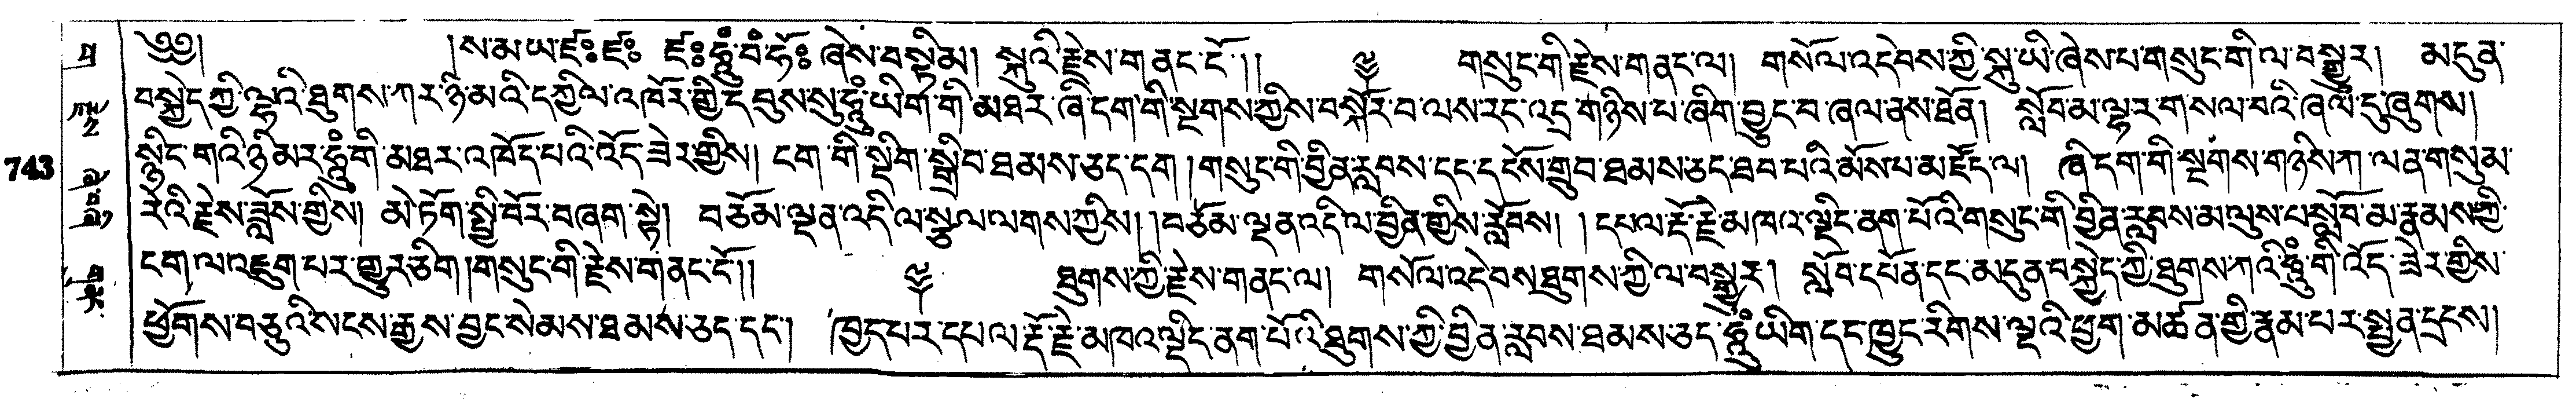༄༅། །ས་མ་ཡ་ཛཿ ཛཿ ཛཿ ཧཱུཾ་བཾ་ཧོཿ ཞེས་བསྟིམ། སྐུའི་རྗེས་གནང་ངོ།། ༈ གསུང་གི་རྗེས་གནང་ལ། གསོལ་འདེབས་ཀྱི་སྐུ་ཡི་ཞེས་པ་གསུང་གི་ལ་བསྒྱུར། མདུན་
བསྐྱེད་ཀྱི་ལྷའི་ཐུགས་ཀར་ཉི་མའི་དཀྱིལ་འཁོར་གྱི་དབུས་སུ་ཧཱུཾ་ཡིག་གི་མཐར་ཞི་དག་གི་སྔགས་ཀྱིས་བསྐོར་བ་ལས་རང་འདྲ་གཉིས་པ་ཞིག་བྱུང་བ་ཞལ་ནས་ཐོན། སློབ་མ་ལྷར་གསལ་བའི་ཞལ་དུ་ཞུགས།
སྙིང་གའི་ཉི་མར་ཧཱུཾ་གི་མཐར་འཁོད་པའི་འོད་ཟེར་གྱིས། ངག་གི་སྡིག་སྒྲིབ་ཐམས་ཅད་དག། གསུང་གི་བྱིན་རླབས་དང་དངོས་གྲུབ་ཐམས་ཅད་ཐབ་པའི་མོས་པ་མཛོད་ལ། ཞི་དག་གི་སྔགས་གཉིས་ཀ་ལན་གསུམ་
རེའི་རྗེས་ཟློས་གྱིས། མེ་ཏོག་སྤྱི་བོར་བཞག་སྟེ། བཅོམ་ལྡན་འདི་ལ་སྩལ་ལགས་ཀྱིས། །བཅོམ་ལྡན་འདི་ལ་བྱིན་གྱིས་རློབས། །དཔལ་རྡོ་རྗེ་མཁའ་ལྡིང་ནག་པོའི་གསུང་གི་བྱིན་རླབས་མ་ལུས་པ་སློབ་མ་རྣམས་ཀྱི་
ངག་ལ་འཇུག་པར་གྱུར་ཅིག །གསུང་གི་རྗེས་གནང་ངོ།། ༈ ཐུགས་ཀྱི་རྗེས་གནང་ལ། གསོལ་འདེབས་ཐུགས་ཀྱི་ལ་བསྒྱུར། སློབ་དཔོན་དང་མདུན་བསྐྱེད་ཀྱི་ཐུགས་ཀའི་ཧཱུཾ་གི་འོད་ཟེར་གྱིས་
ཕྱོགས་བཅུའི་སངས་རྒྱས་བྱང་སེམས་ཐམས་ཅད་དང་། ཁྱད་པར་དཔལ་རྡོ་རྗེ་མཁའ་ལྡིང་ནག་པོའི་ཐུགས་ཀྱི་བྱིན་རླབས་ཐམས་ཅད་ཧཱུཾ་ཡིག་དང་ཁྱུང་རིགས་ལྔའི་ཕྱག་མཚན་གྱི་རྣམ་པར་སྤྱན་དྲངས།